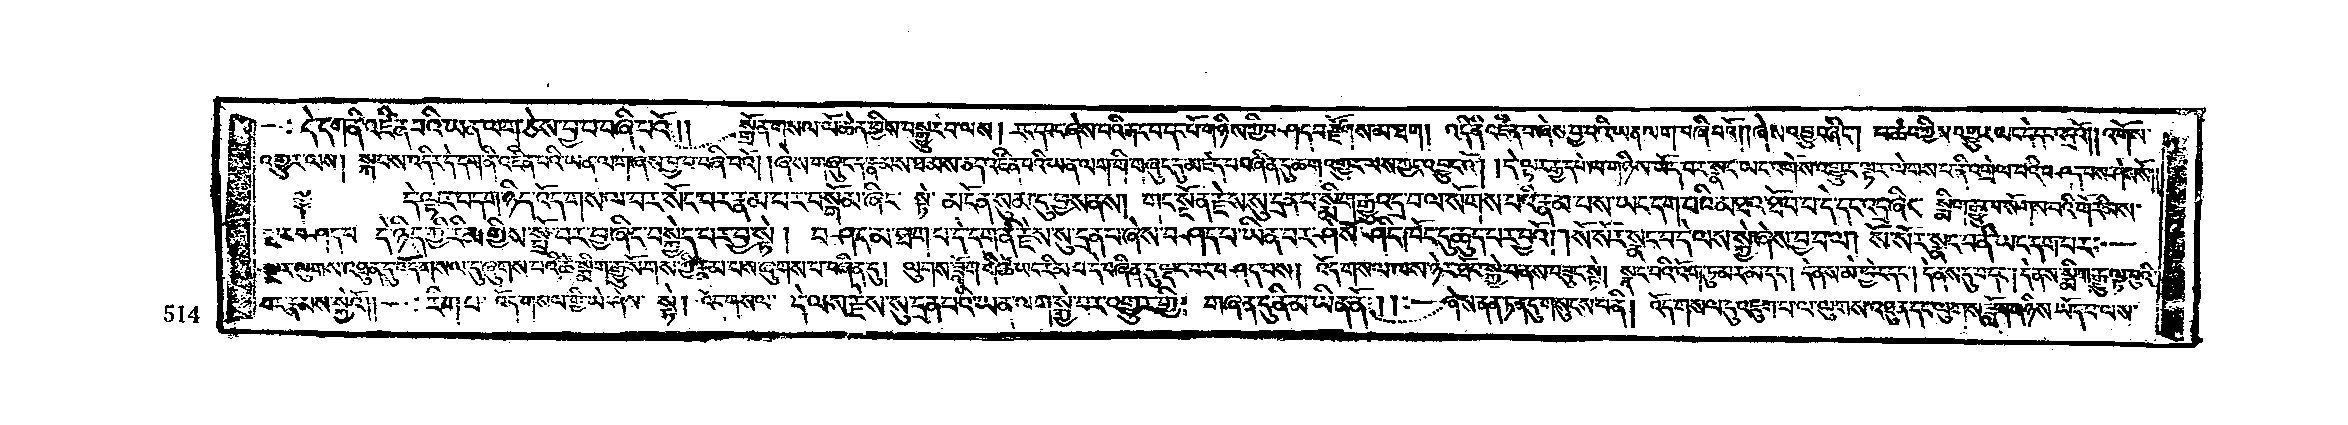དེ་དག་ནི་འཛིན་པའི་ཡན་ལག་ཅེས་བྱ་བ་བཞི་པའོ།། སྒྲོན་གསལ་ལོ་ཆེན་གྱིས་བསྒྱུར་བ་ལས། རང་དབང་ཞེས་པའི་རྐང་བ་དང་པོ་གཉིས་ཀྱི་བཤད་པ་རྫོགས་མ་ཐག། འདི་ནི་འཛིན་པ་ཞེས་བྱ་བའི་ཡན་ལག་བཞི་པའོ། །ཞེས་འབྱུང་ཞིང་། པ་ཚབ་ཀྱིས་འགྱུར་ཡང་དེ་དང་འདྲའོ། །འགོས་
འགྱུར་ལས། སྐབས་འདིར་དེ་དག་ནི་འཛིན་པའི་ཡན་ལག་ཞེས་བྱ་བ་བཞི་པའོ། །ཞེས་གཞུང་དེ་རྣམས་ཐམས་ཅད་འཛིན་པའི་ཡན་ལག་གི་གཞུང་དུ་མཛད་པ་བཞིན་དུ་ཆག་འགྱུར་ལས་ཀྱང་འབྱུང་ངོ། དེ་ལྟར་རྒྱ་དཔེ་ལ་གཉིས་ཡོད་པར་སྣང་ཡང་འགོས་འགྱུར་ལྟར་ལེགས་པ་ནི་འགྲེལ་པའི་བཤད་པས་ཤེས་སོ།།
༈ དེ་ལྟར་བདག་ཉིད་འོད་གསལ་བར་སོང་བར་རྣམ་པར་བསྒོམ་ཞིང་སྟེ་མངོན་སུམ་དུ་བྱས་ནས། གང་སྔོན་རྗེས་སུ་དྲན་པ་སྨིག་རྒྱུ་འདྲ་བ་ལ་སོགས་པའི་རྣམ་པས་ཡང་དག་པའི་མཐའ་ཐོབ་པ་དེ་དང་འདྲ་ཞིང་སྨིག་རྒྱུ་ལ་སོགས་པའི་གོ་རིམས་
སྔར་བཤད་པ་དེ་ཉིད་ཀྱི་རིམ་གྱིས་སྤྲོ་བར་བྱ་ཞིང་བསྐྱེད་པར་བྱ་སྟེ། བཤད་མ་ཐག་པ་དེ་དག་ནི་རྗེས་སུ་དྲན་པ་ཞེས་བཤད་པ་ཡིན་པར་ཤེས་ཤིང་ཁོང་དུ་ཆུད་པར་བྱའོ། །སོ་སོར་སྣང་བ་དེ་ལས་སྐྱེ་ཞེས་བྱ་བ་ལ། སོ་སོར་སྣང་བ་ནི་ཡང་དག་པར་
སྔར་ལུགས་འཐུན་དུ་འོད་གསལ་དུ་ཞུགས་པའི་ཚེ་སྨིག་རྒྱུ་སོགས་ཀྱི་རྣམ་པས་ཞུགས་པ་བཞིན་དུ། ལུགས་ཟློག་གི་ཚེ་ཡང་རིམ་པ་དེ་བཞིན་དུ་ལྡང་བར་བཤད་པས། འོད་གསལ་ལས་ཉེར་ཐོབ་སྐྱེ་བ་ནས་བཟུང་སྟེ། སྣང་བའི་འོག་ཏུ་མར་མ་དང་། དེ་ནས་མེ་ཁྱེར་དང་། དེ་ནས་དུ་བ་དང་། དེ་ནས་སྨིག་རྒྱུ་ལྟ་བུའི་
བར་རྣམས་སྐྱེའོ།། རིག་པ་འོད་གསལ་གྱི་ཡེ་ཤེས་སྟེ། འོད་གསལ་དེ་ལས་རྗེས་སུ་དྲན་པའི་ཡན་ལག་སྐྱེ་བར་འགྱུར་གྱི། གཞན་དུ་ནི་མ་ཡིན་ནོ།། ཞེས་ནན་ཏན་དུ་གསུངས་པ་ནི། འོད་གསལ་དུ་འཇུག་པ་ལ་ལུགས་འཐུན་དང་ལུགས་ཟློག་གཉིས་ཡོད་པ་ལས་